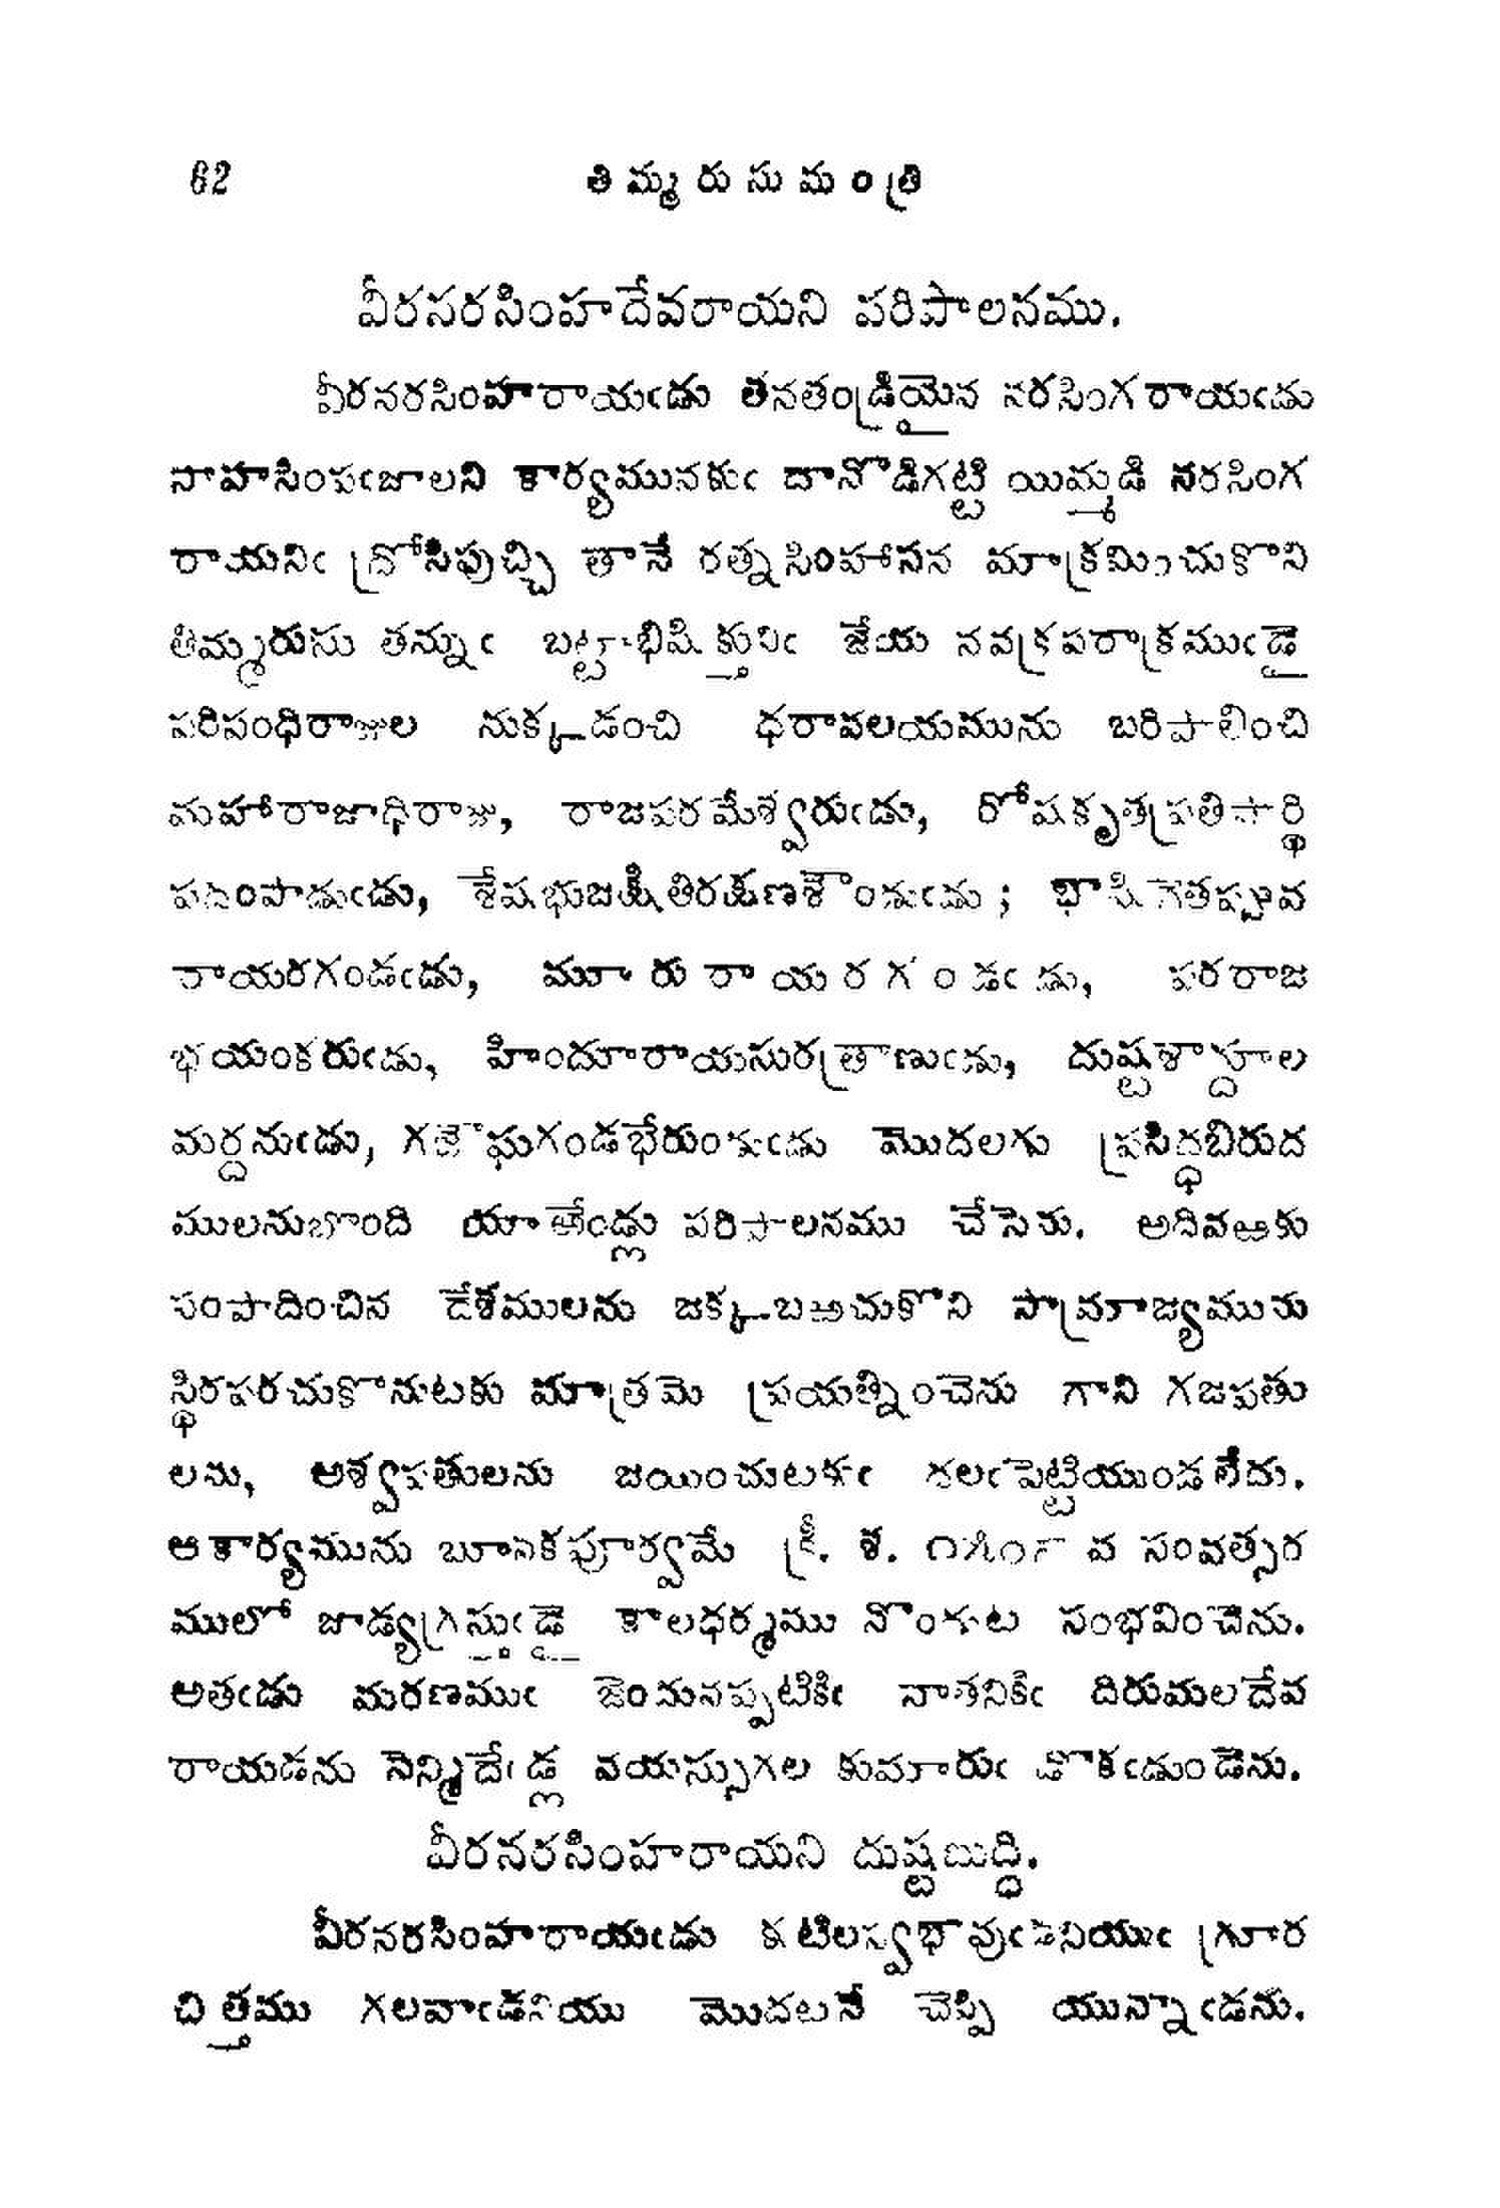వీరనరసింహదేవరాయని పరిపాలనము.

వీరనరసింహరాయఁడు తనతండ్రియైన నరసింగరాయఁడు సాహసింపఁజాలని కార్యమునకుఁ దానొడిగట్టి యిమ్మడి నరసింగరాయనిఁ దోసిపుచ్చి తానే రత్నసింహాసన మాక్రమించుకొని తిమ్మరుసు తన్నుఁ బట్టాభిషిక్తునిఁ జేయ నవక్రపరాక్రముఁడై పరిసంధిరాజుల నుక్కడంచి ధరావలయమును బరిపాలించి మహారాజాధిరాజు, రాజపరమేశ్వరుఁడు, రోషకృతప్రతిపార్థి పదంపాడుఁడు, శేషభుజక్షితిరక్షణశౌండుఁడు; భాషిగెతప్పువరాయరగండఁడు, మూరురాయరగండడు, పరరాజ భయంకరుఁడు, హిందూరాయసురత్రాణుఁడు, దుష్టశార్దూల మర్ధనుఁడు, గజౌఘగండభేరుండుఁడు మొదలగు ప్రసిద్ధబిరుదములనుబొంది యాఱేండ్లు పరిపాలనము చేసెను. అదివఱకు సంపాదించిన దేశములను జక్కబఱచుకొని సామ్రాజ్యమును స్థిరపరచుకొనుటకు మాత్రమె ప్రయత్నించెను గాని గజపతులను, అశ్వవతులను జయించుటకుఁ దలఁపెట్టియుండలేదు. ఆకార్యమును బూనకపూర్వమే క్రీ. శ. 1509 వ సంవత్సరములో జాడ్యగ్రస్తుఁడై కాలధర్మము నొందుట సంభవించెను. అతఁడు మరణముఁ జెందునప్పటికిఁ నాతనికిఁ దిరుమలదేవరాయడను నెన్మిదేండ్ల వయస్సుగల కుమారుఁ డొకఁడుండెను.

వీరనరసింహరాయని దుష్టబుద్ది. 

వీరనరసింహరాయఁడు కుటిలస్వభావుఁడనియుఁ గ్రూరచిత్తము గలవాడనియు మొదటనే చెప్పి యున్నాఁడను,